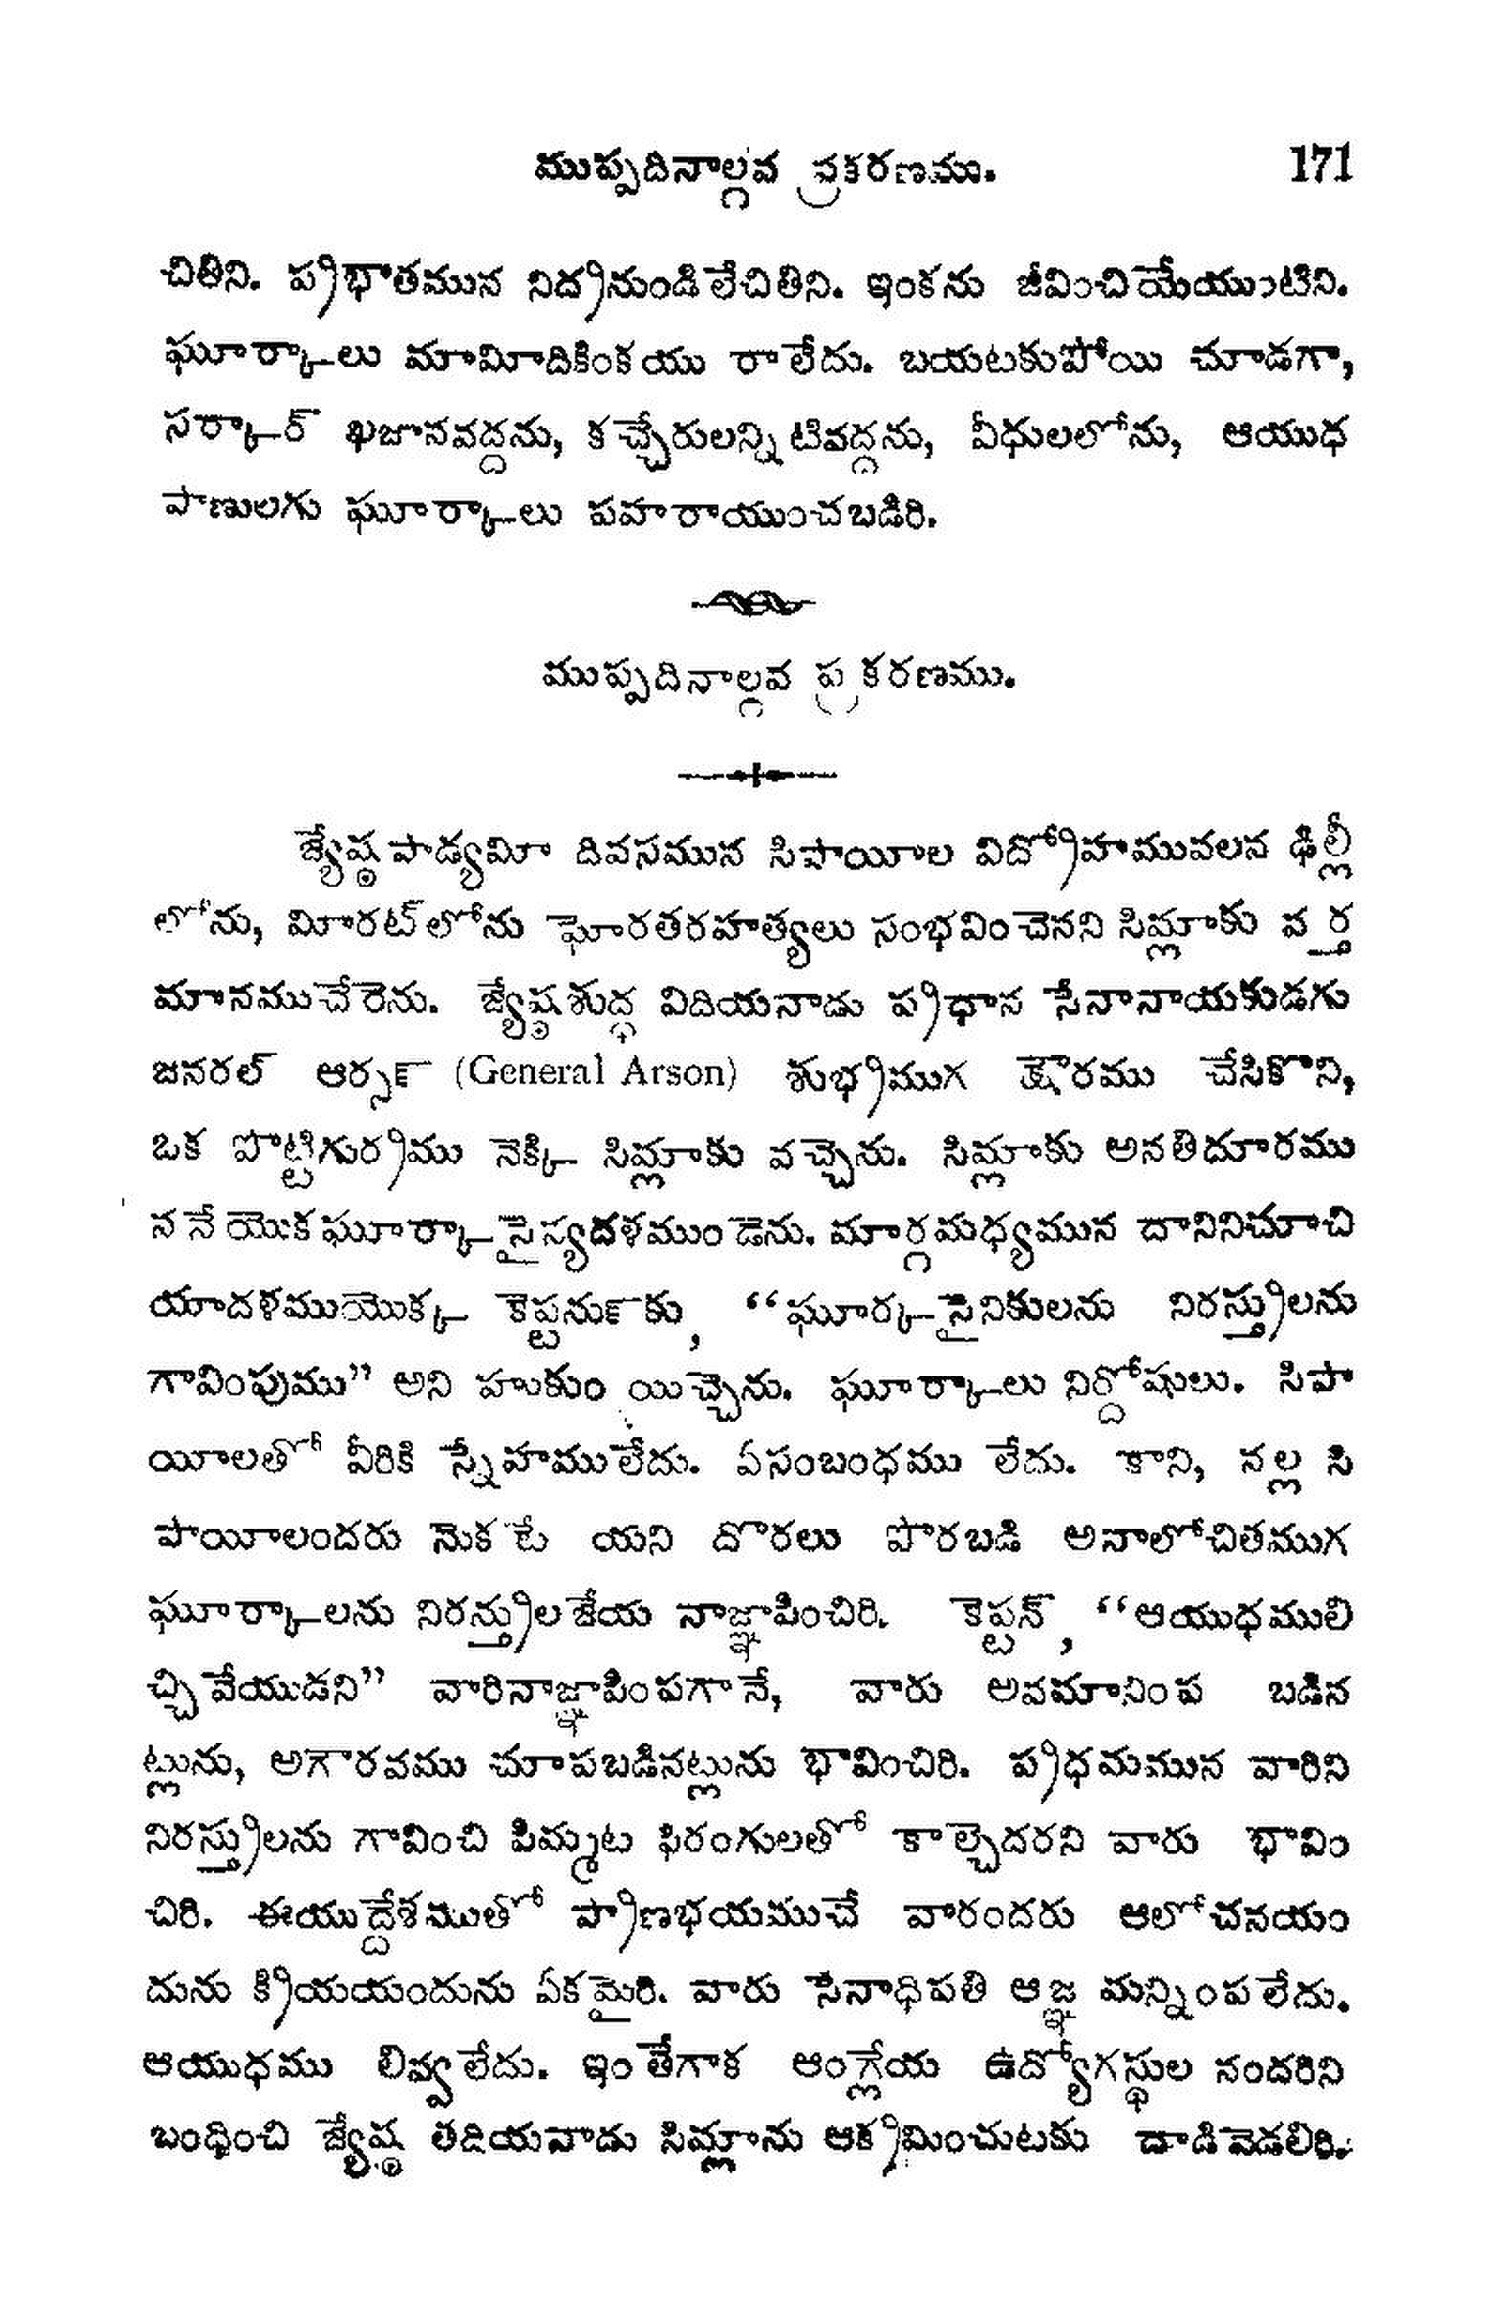చితిని. ప్రభాతమున నిద్రనుండి లేచితిని. ఇంకను జీవించి యేయుంటిని.
ఘూర్కాలు మామీదికింకయు రాలేదు. బయటకు పోయి చూడగా,
సర్కార్ ఖజాన వద్దను, కచ్చేరులన్నిటి వద్దను, వీధులలోను, ఆయుధ
పొణులగు ఘర్కాలు పహరాయుంచబడిరి.
.

దానిని చూచి జ్యేష్ఠ పాడ్యమి దివసమున సిపాయీల విద్రోహమువలన ఢిల్లీ
లోను, మీరట్ లోను ఘోరతరహత్యలు సంభవించెనని సిమ్లాకు వర్త
మానము చేరెను. జ్యేష్ఠ శుద్ధ విదియనాడు ప్రధాన సేనానాయకుడగు
జనరల్ ఆర్సన్" (General Arson) శుబ్రముగ క్షౌరము చేసికొని,
ఒక పొట్టిగుర్రము నెక్కి సిమ్లాకు వచ్చెను. సిమ్లాకు అనతి దూరము
ననే యొక ఘూర్కా సైన్యదళముండెను. మార్గమధ్యమున
యాదళము యొక్క కెప్టనున్ కు, “ఘూర్క సైనికులను నిరస్త్రులను
గావింపుము " అని హుకుం యిచ్చెను. ఘూర్కాలు నిర్దోషులు. సిపా
యీలతో వీరికి స్నేహము లేదు. ఏ సంబంధము లేదు. కానీ, నల్ల 
సిపొయీలందరు ఒకటేయని దొరలు పొరబడి అనాలోచితముగ
ఘూర్కాలను నిరస్త్రుల జేయ నాజ్ఞాపించిరి. కెప్టన్, “ఆయుధములిచ్చి
వేయుడని” వారి నాజ్ఞాపింపపగానే, వారు అవమానింప బడినట్లును, 
అగౌరవము చూపబడినట్లును భావించిరి. ప్రధమమున వారిని
నిరస్తులను గావించి పిమ్మట ఫిరంగులతో కాల్చెదరని వారు భావిం
చిరి. ఈయుద్దేశముతో ప్రాణభయముచే వారందరు ఆలోచనయం
దును క్రియయందును ఏకమైరి. వారు సేనాధిపతి ఆజ్ఞ మన్నింపలేదు.
ఆయుధము లివ్వ లేదు. ఇంతేగాక ఆంగ్లేయ ఉద్యోగస్థుల నందరిని
బంధించి జ్యేష్ఠ తదియ వాడు సిమ్లాను ఆక్రమించుటకు దాడి వెడలిరి.